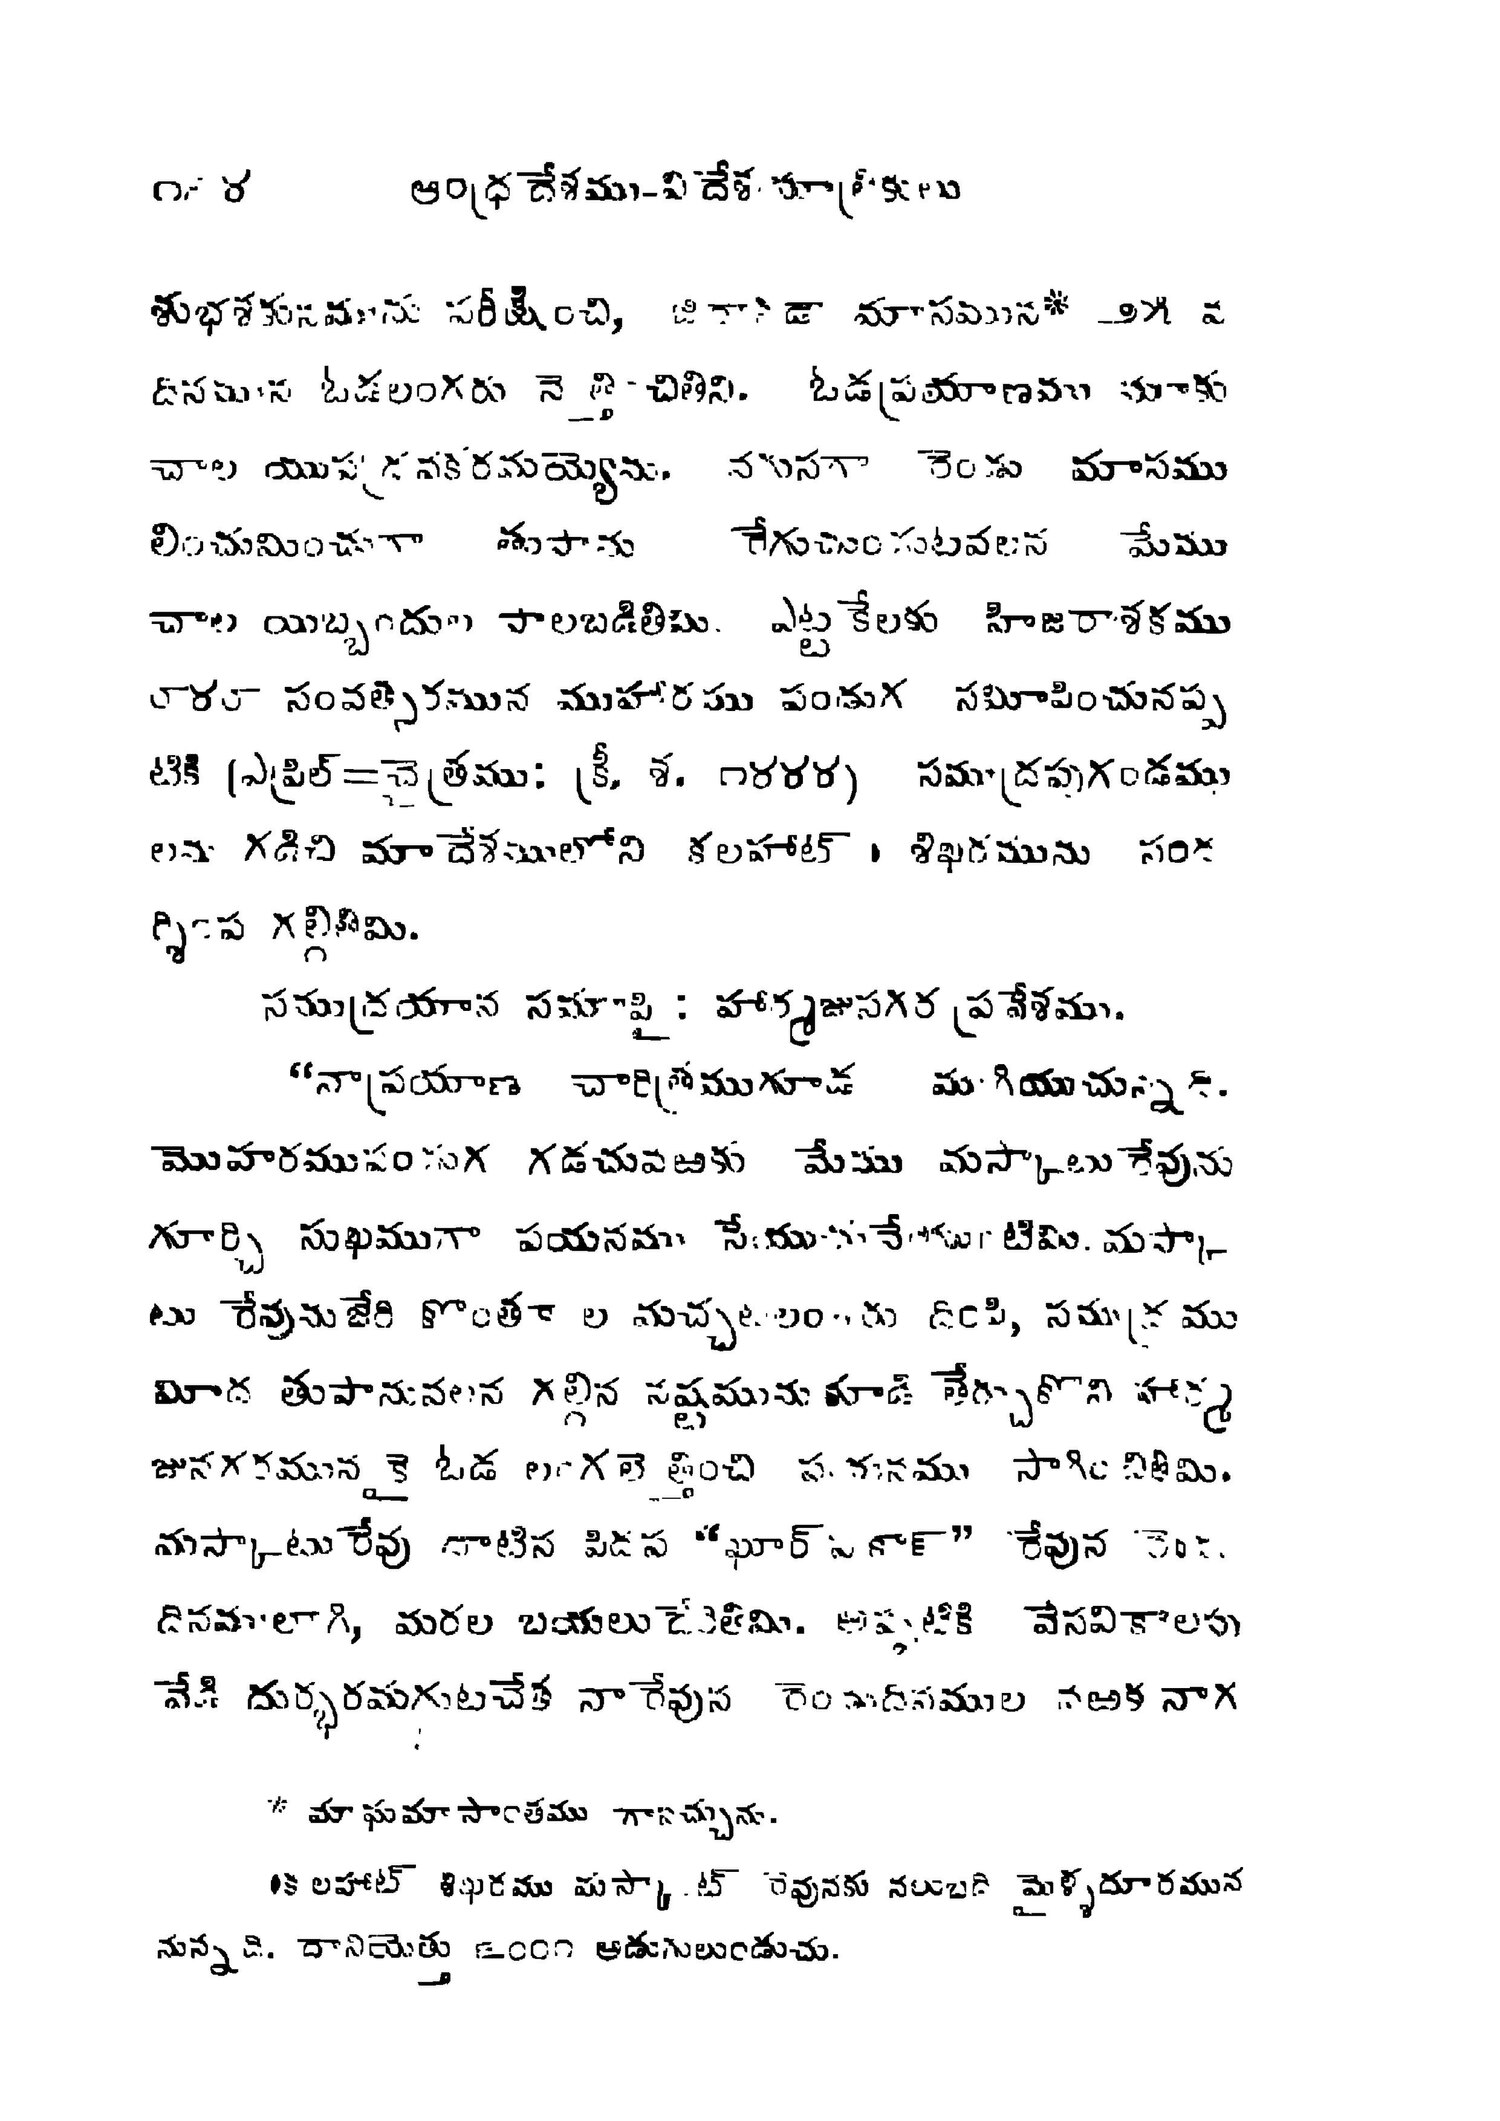శుభశకునమును పరీక్షించి, జిరాగడా మాసమున 25 వ దినమున ఓడలంగరు నెత్తించితిని. ఓడప్రయాణము మాకు చాల యుపద్రవకరమయ్యెను. వరుసగా రెండు మాసము లించుమించుగా తుపాను రేగుచుండుటవలన మేము చాల యిబ్బందుల పాలబడితిమి. ఎట్టకేలకు హిజరాశకము 848 సంవత్సరమున ముహారము పండుగ సమీపించునప్పటికి (ఏప్రిల్=చైత్రము; క్రీ. శ. 1444) సముద్రపు గండములను గడచి మాదేశములోని కలహాట్ శిఖరమును సందర్శింప గల్గితిమి.

"నాప్రయాణ చారిత్రముగూడ ముగియుచున్నది. మొహరముపండుగ గడచువఱకు మేము మస్కాటురేవును గూర్చి సుఖముగా పయనము సేయుచునే యుంటిమి. మస్కాటు రేవునుజేరి కొంతకాల మచ్చట లంగరుదింపి, సముద్రము మీద తుపానువలన గల్గిన నష్టమును కూడి తేర్చుకొని హార్మజు నగరమునకై ఓడ లంగలెత్తించి పయనము సాగించితిమి. మస్కాటురేవు దాటిన పిదప "ఖూర్‌పకాన్" రేవున రెండుదినములాగి, మరల బయలుదేరితిమి. అప్పటికి వేసవికాలపు వేడి దుర్భరమగుట చేత నారేవున రెండుదినముల వఱకు నాగ